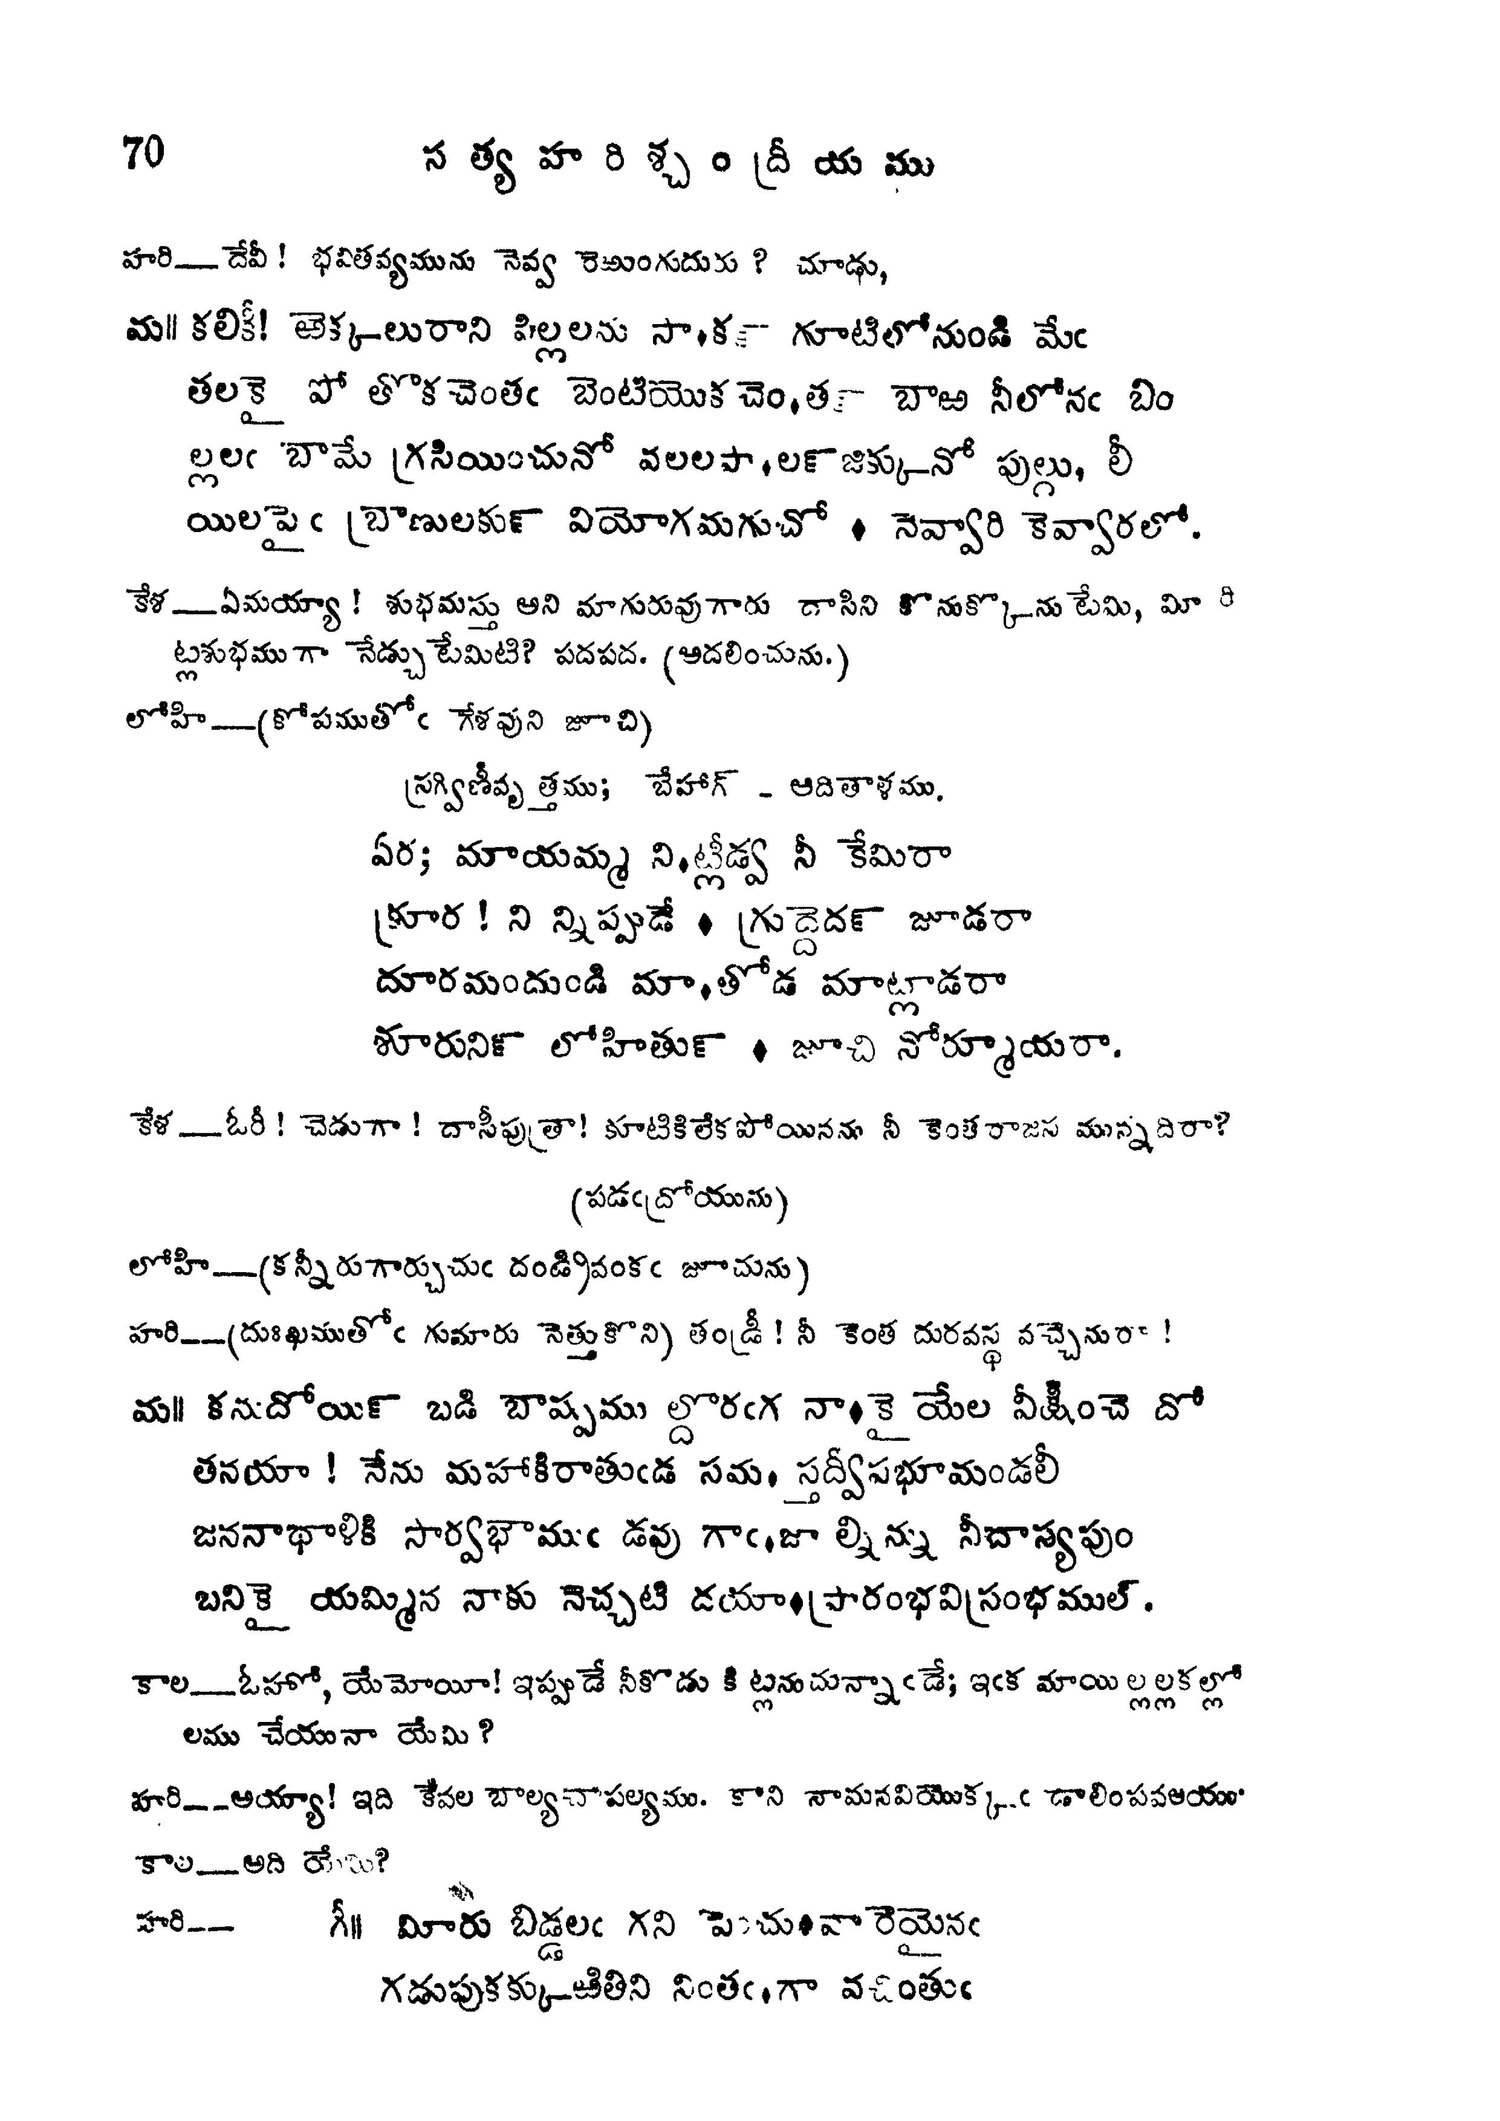హరి: 	
దేవీ! భవితవ్యమును నెవ్వ రెఱుంగుదురు? చూడు.

మ. 	కలికీ! ఱెక్కలురాని పిల్లలను సాకన్‌ గూటిలో నుండి మే
తలకై పోతొక చెంత బెంటియొక చెంతన్‌ బాఱ నీలోన బి
ల్లలఁ బామే గ్రసియించునో వలల పాలన్‌ జిక్కునో పున్గులీ
యిలపైఁ బ్రాణులకున్‌ వియోగమగుచో నెవ్వారి కెవ్వారలో?

కేశ: 	ఏమయ్యా! శుభమస్తు అని మాగురువుగారు దాసిని గొనుటేమి? మీరిట్లశుభముగా నేడ్చుటేమి? పద పద (అదలించును)

లోహి: 	
(కోపముతోఁ గేశవునిఁ జూచి) (స్రగ్విణీవృతము: బేహాగ్‌ - ఆది తాళము)
	
ఏర! మాయమ్మని ట్లీడ్వ నీకేమిరా
క్రూర! నిన్నిప్పుడే గ్రుద్దెదన్‌ జూడరా!
దూరమందుండి మా తోడ మాట్లాడరా!
శూరునిన్‌ లోహితున్‌ జూచి నోర్మూయరా!

కేశ: 	ఓరీ! చెడుగా, దాసిపుత్రా! కూటికి లేకపోయినను నీకెంత రాజసమున్నదిరా? (పడఁద్రోయును)

లోహి: 	(కన్నీరు కార్చుచుఁ దండ్రివంక జూచును)

హరి: 	
(దుఃఖముతోఁ గుమారు నెత్తుకొని) తండ్రీ! నీకెంత దురవస్థ వచ్చెనురా!

మ: 	కనుదోయిన్‌ జడబాష్పము ల్దొరఁగ నాకై యేల వీక్షించెదో
తనయా! నేను మహాకిరాతుఁడ సమస్తద్వీప భూమండలీ
జననాథాళికి సార్వభౌముడవుగా జాల్నిన్ను నీ దాస్యపుం
బనికై యమ్మిన నాకు నెచ్చటిదయా ప్రారంభవిస్రంభముల్‌.

కాల: 	ఓహో! యేమోయీ! నీకొడుకిట్లను చున్నాడే? ఇక మా ఇల్లల్లకల్లోలము చేయునా ఏమి?

హరి: 	అయ్యా! ఇది కేవల బాల్య చాపల్యము. కాని నామనవి యొక్క టాలింపవలయు.

కాల: 	అది యేమి?

హరి: 	
గీ. 	మీరు బిడ్డలఁ గని పెంచువారె యైనఁ
గడుపు కక్కుఱితిని నింతగా వచింతుఁ